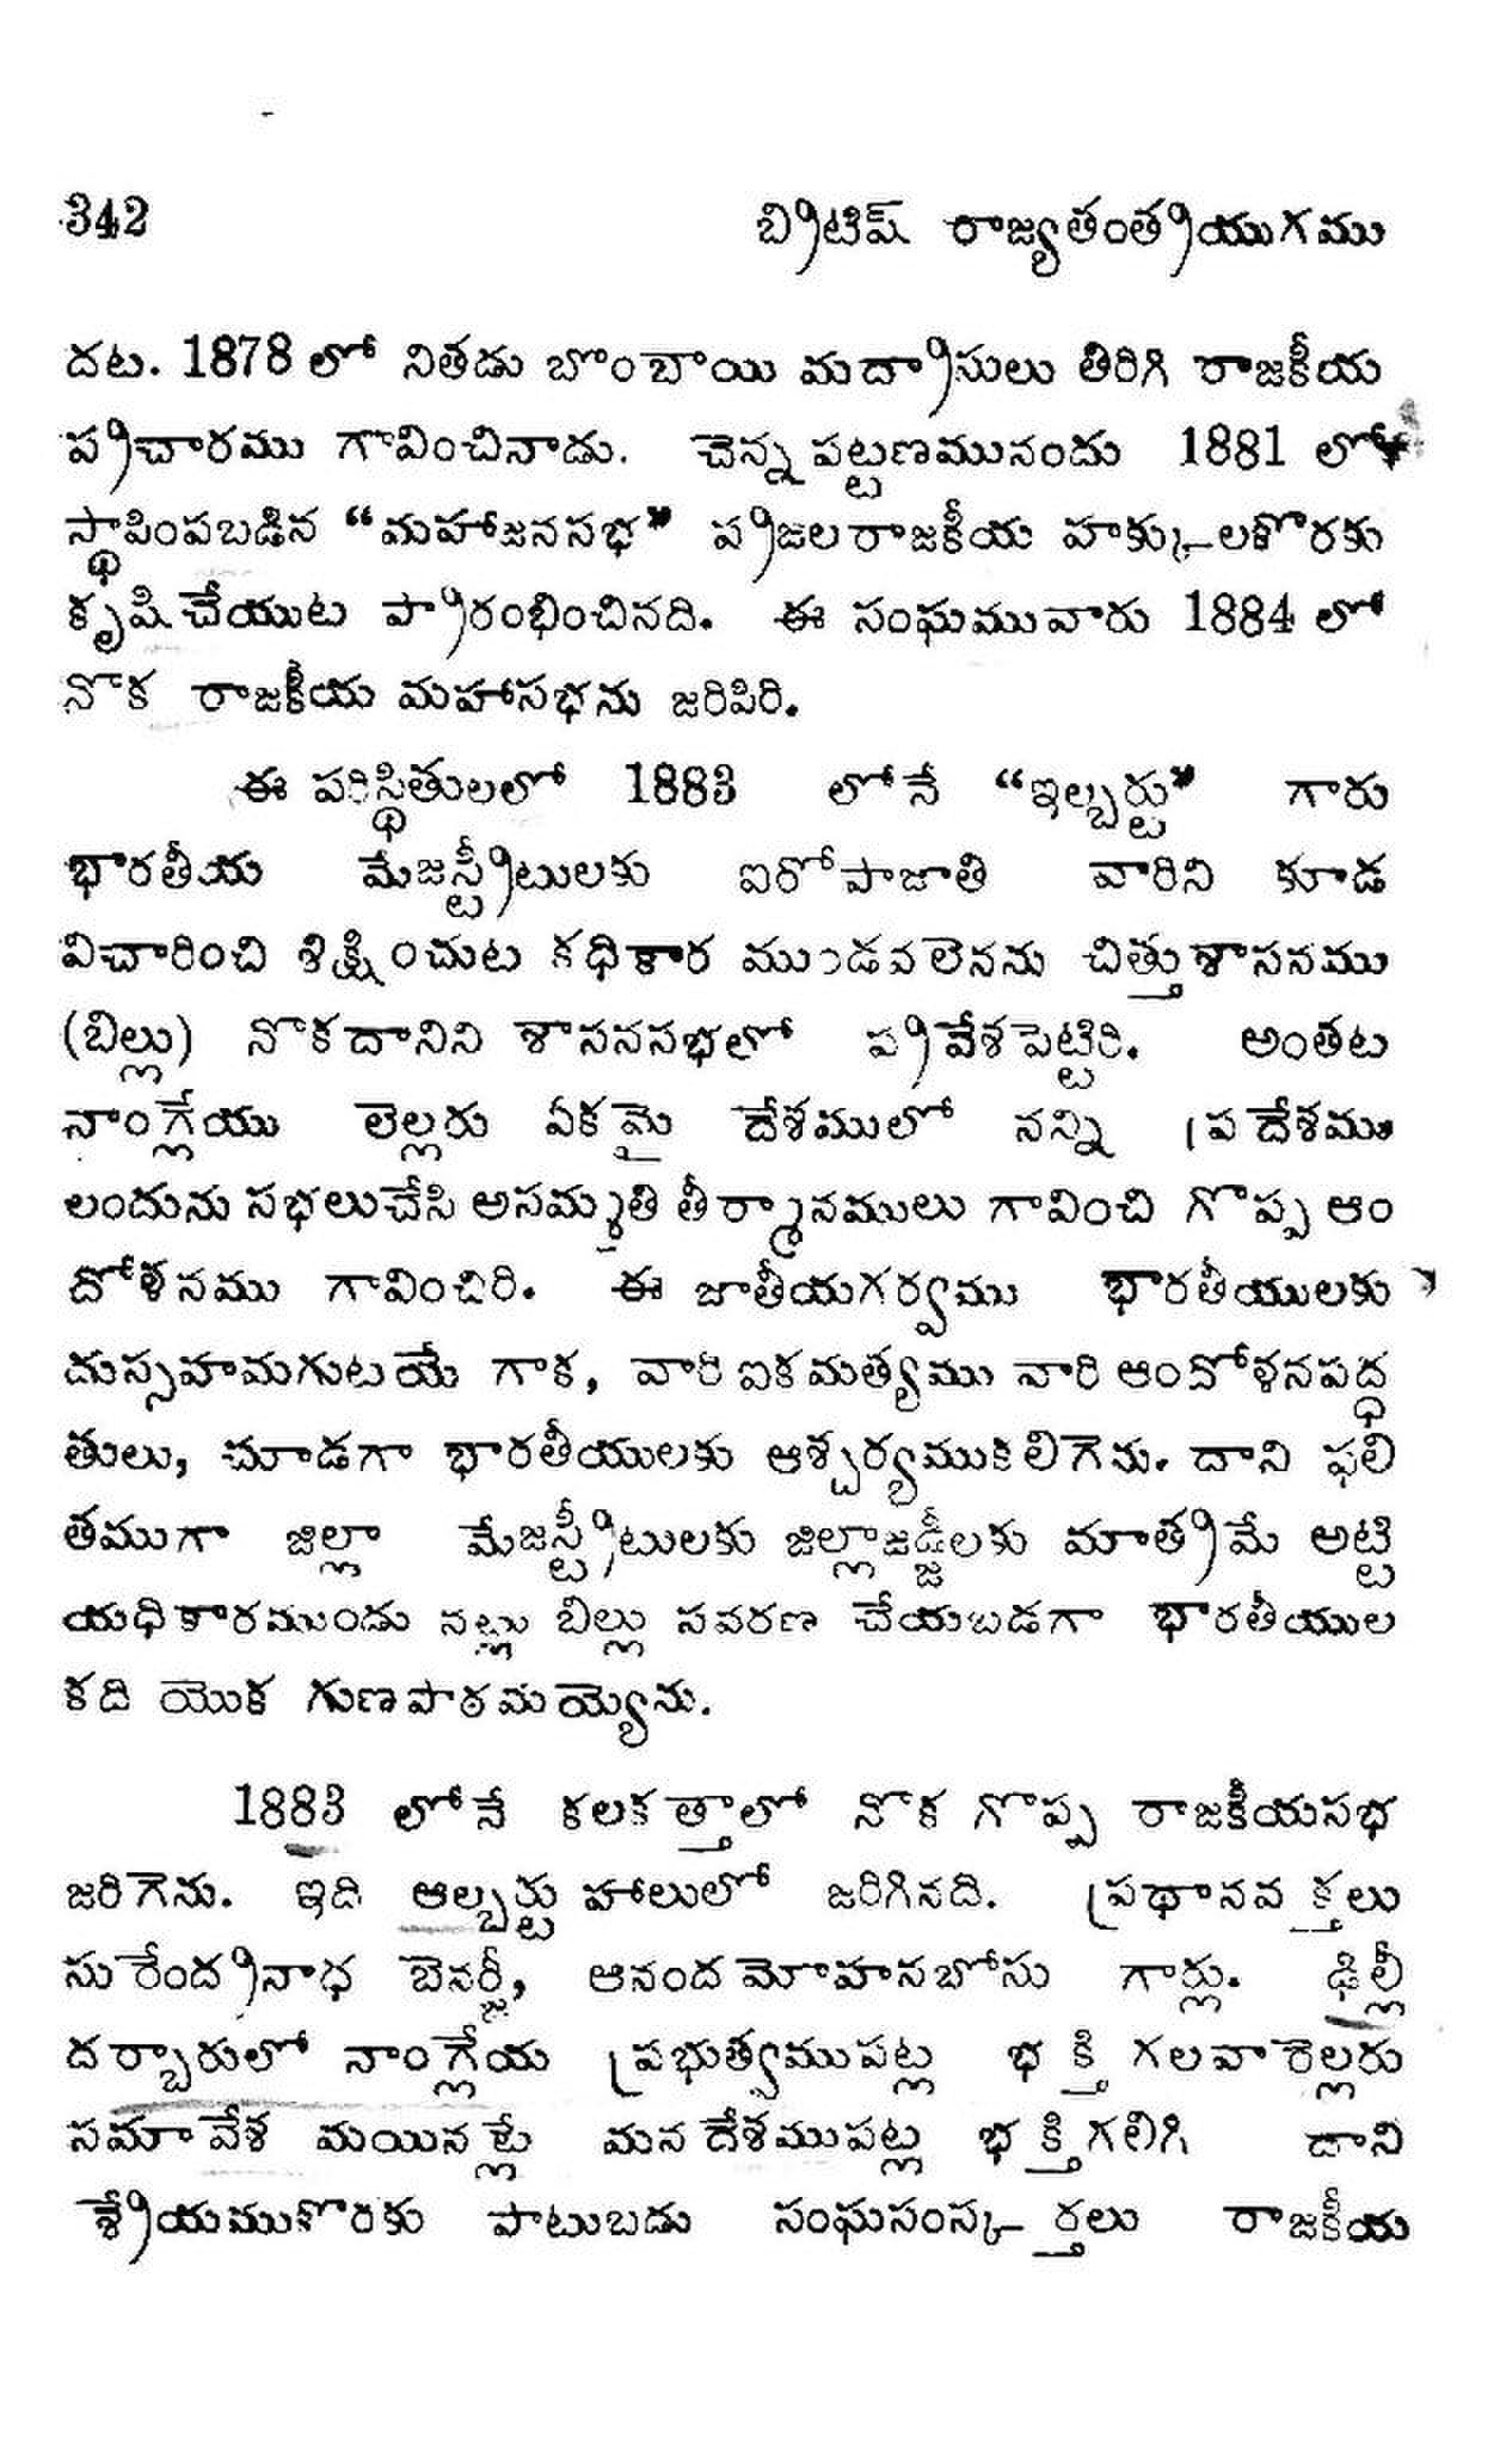దట. 1878 లో నితడు బొంబాయి మద్రాసులు తిరిగి రాజకీయప్రచారము గావించినాడు. చెన్నపట్టణమునందు 1881 లో స్థాపింపబడిన “మహాజనసభ" ప్రజలరాజకీయ హక్కులకొరకు కృషిచేయుట ప్రారంభించినది. ఈ సంఘమువారు 1884 లో నొక రాజకీయ మహాసభను జరిపిరి. .

ఈ పరిస్థితులలో 1883 లోనే “ఇల్బర్టు" గారు భారతీయ మేజస్ట్రీటులకు ఐరోపాజాతి వారిని కూడ విచారించి శిక్షించుట కధికార ముండవలెనను చిత్తుశాసనము (బిల్లు) నొకదానిని శాసనసభలో ప్రవేశపెట్టిరి. అంతట నాంగ్లేయు లెల్లరు ఏకమై దేశములో నన్ని ప్రదేశములందును సభలుచేసి అసమ్మతి తీర్మానములు గావించి గొప్ప ఆందోళనము గావించిరి. ఈ జాతీయగర్వము భారతీయులకు దుస్సహమగుటయే గాక, వారి ఐకమత్యము వారి ఆందోళనపద్దతులు, చూడగా భారతీయులకు ఆశ్చర్యముకలిగెను. దాని ఫలితముగా జిల్లా మేజస్ట్రీటులకు జిల్లాజడ్జీలకు మాత్రేమే అట్టి యధికారముండు నట్లు బిల్లు సవరణ చేయబడగా భారతీయుల కది యొక గుణపాఠమయ్యెను.

1883 లోనే కలకత్తాలో నొక గొప్ప రాజకీయసభ జరిగెను. ఇది ఆల్బర్టు హాలులో జరిగినది. ప్రథానవక్తలు సురేంద్రనాథ బెనర్జీ, ఆనందమోహనబోసు గార్లు. ఢిల్లీ దర్బారులో నాంగ్లేయ ప్రభుత్వముపట్ల భక్తి గలవారెల్లరు సమావేశ మయినట్లే మన దేశముపట్ల భక్తిగలిగి దాని శ్రేయముకొరకు పాటుబడు సంఘసంస్కర్తలు రాజకీయ